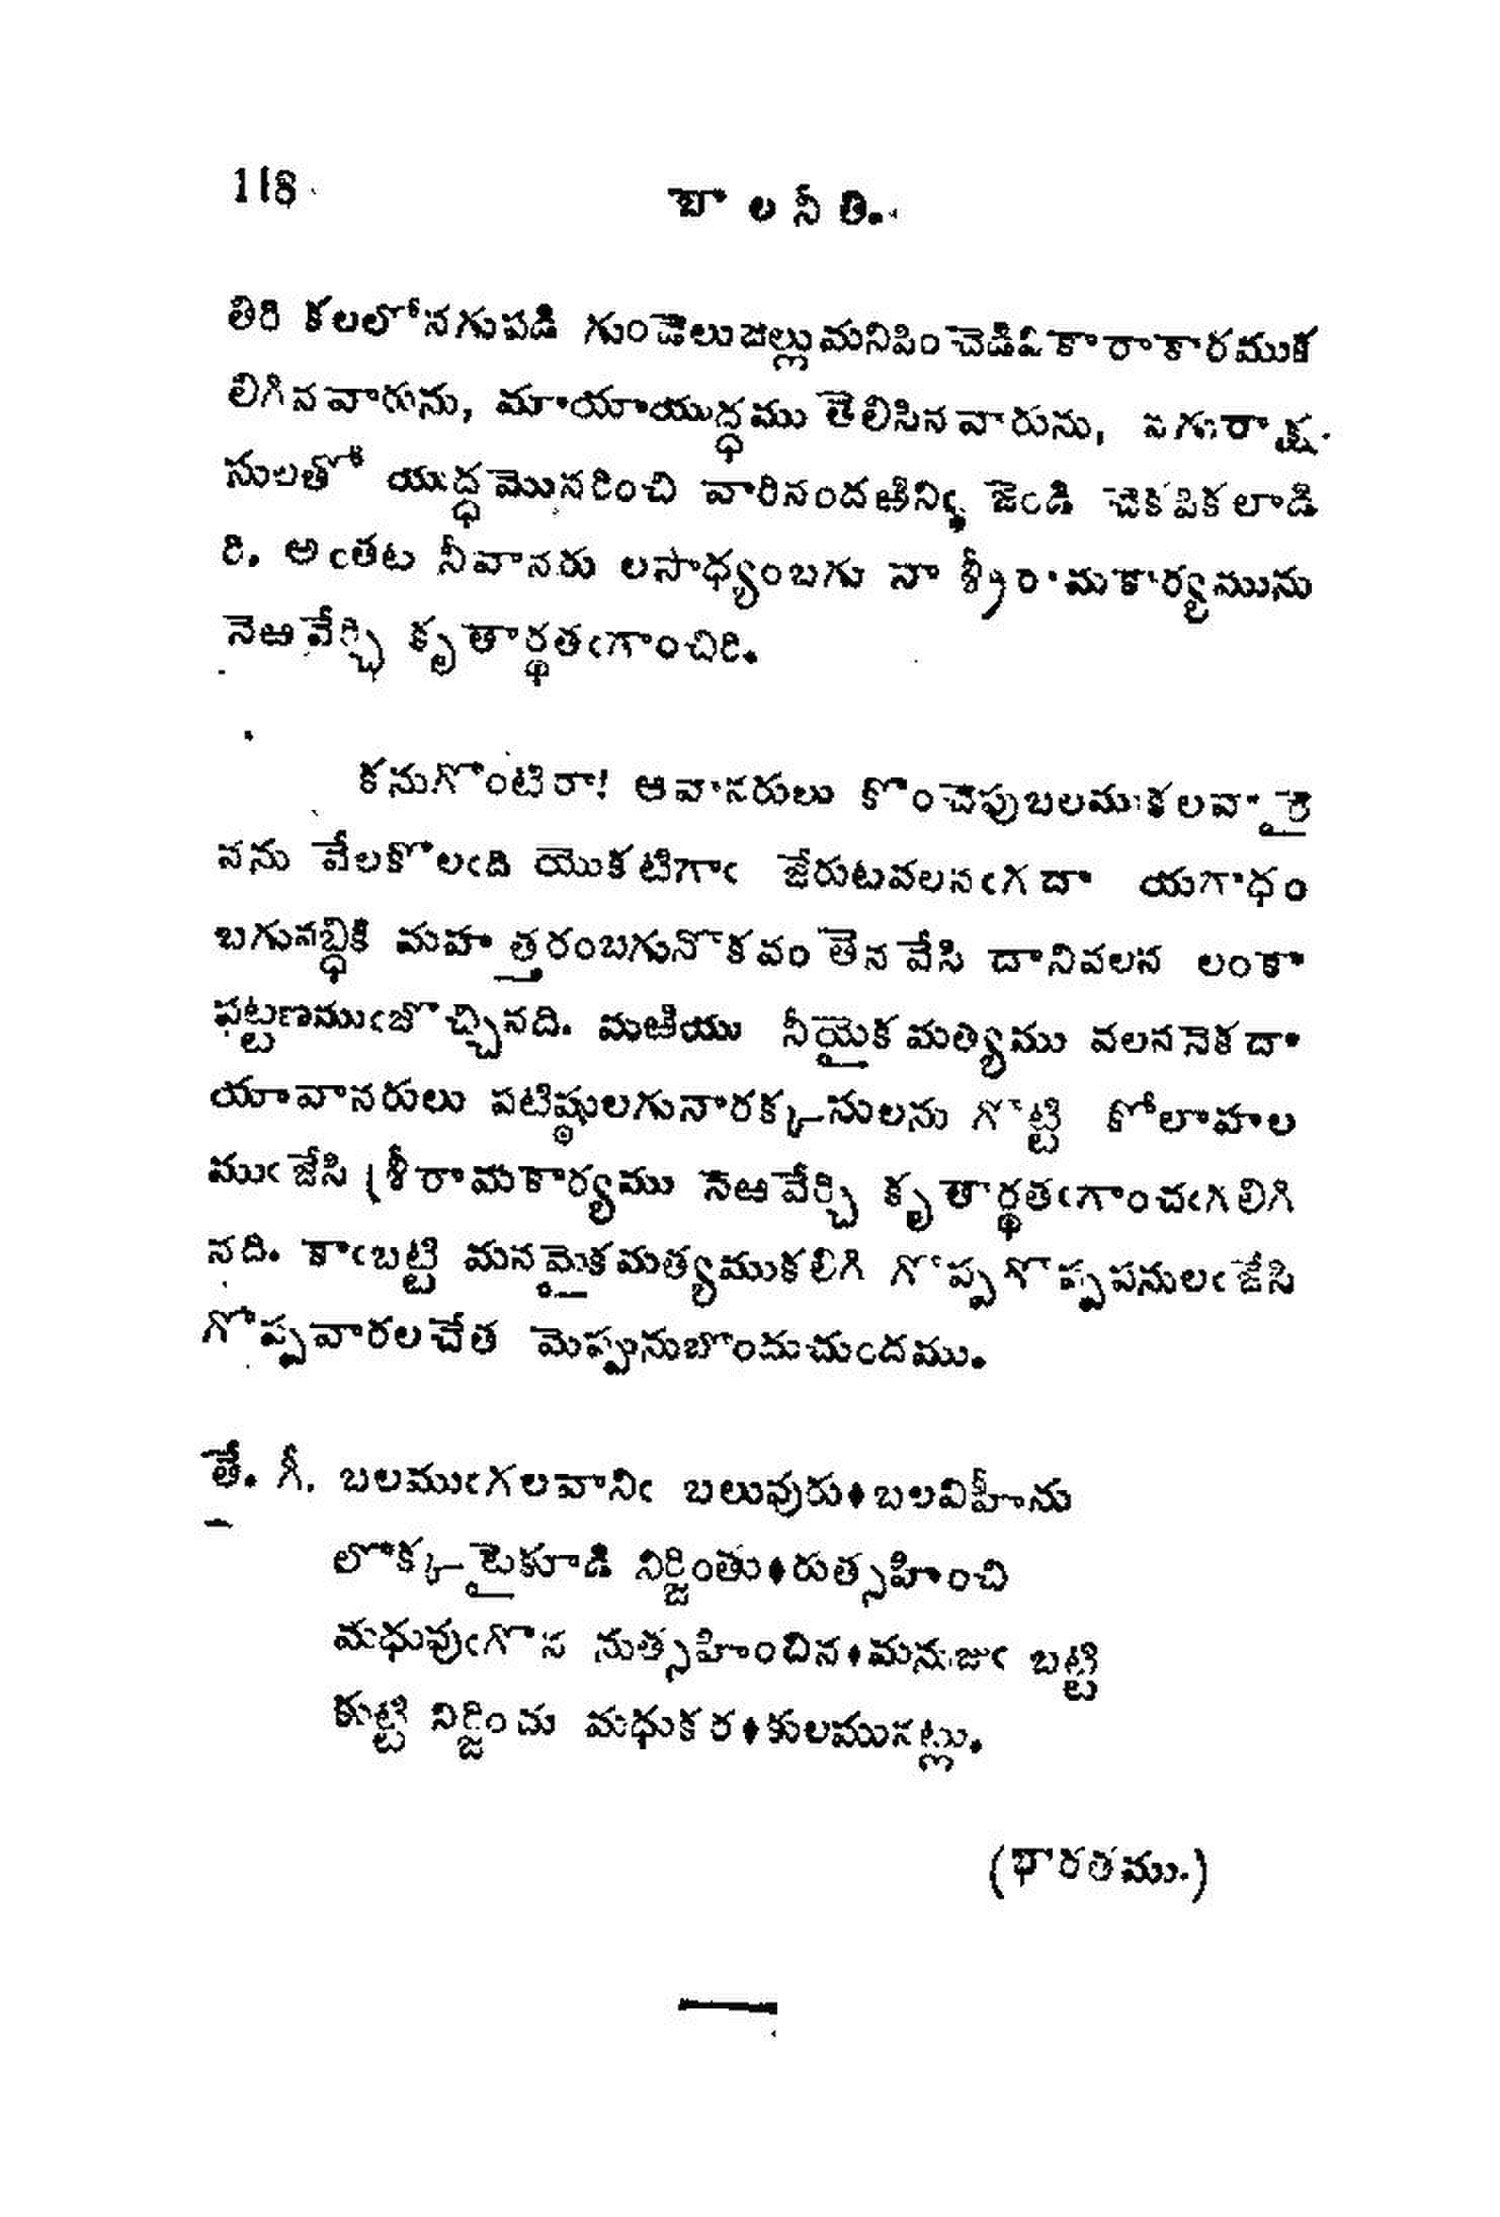తిరి కలలోనగుపడి గుండెలుజల్లుమనిపించెడివికారాకారముక
లిగినవారును, మాయాయుద్ధము తెలిసినవారును, నగురాక్ష
సులతో యుద్ధమొనరించి వారినందఱినిఁ జెండి చెకపికలాడి
రి. అంతట నీవానరు లసాధ్యంబగు నా శ్రీరామకార్యమును 
నెఱవేర్ఛి కృతార్థతఁగాంచిరి.

కనుగొంటిరా! ఆవానరులు కొంచెపుబలముకలవారై
నను వేలకొలఁది యొకటిగాఁ జేరుటవలనఁగదా యగాధం
బగునబ్ధికి మహత్తరంబగునొకవంతెనవేసి దానివలన లంకా
పట్టణముఁజొచ్చినది. మఱియు నీయైక మత్యము వలననెకదా 
యావానరులు పటిష్ఠులగు నారక్కసులను గొట్టి కోలాహల
ముఁజేసి శ్రీరామకార్యము నెఱవేర్చి కృతార్థతఁగాంచఁగలిగి
నది. కాఁబట్టి మనమైకమత్యముకలిగి గొప్పగొప్పపనులఁజేసి 
గొప్పవారలచేత మెప్పునుబొందుచుందము.

తే. గీ. బలముఁగలవానిఁ బలువురు♦బలవిహీను
 లొక్కటైకూడి నిర్జింతు♦రుత్సహించి
 మధువుఁగొన నుత్సహించిన♦మనుజుఁ బట్టి
 కుట్టి నిర్జించు మధుకర♦కులమునట్లు.
 (భారతము.)